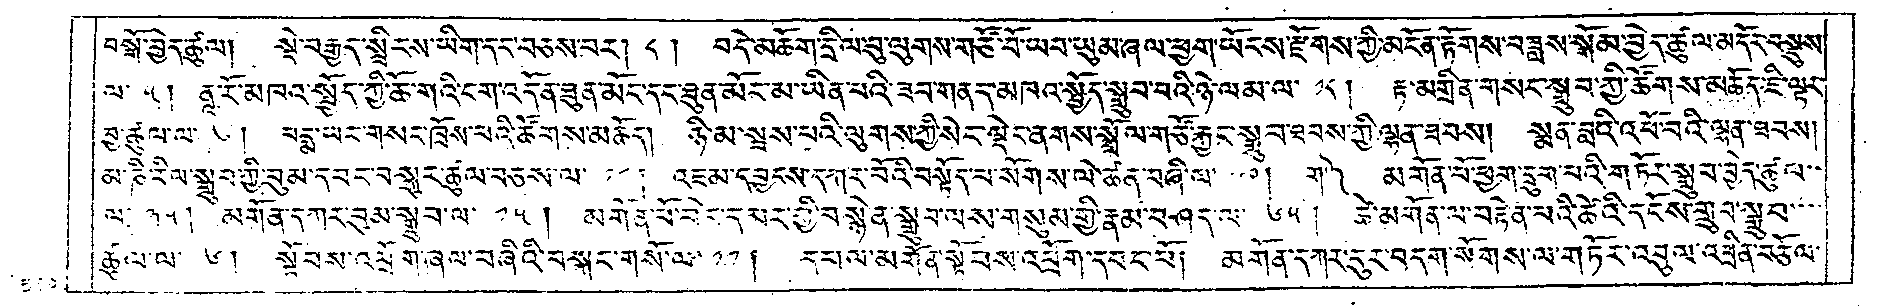བསྒོ་བྱེད་ཚུལ། སྡེ་བརྒྱད་སྤྲིངས་ཡིག་དང་བཅས་པར། ༨། བདེ་མཆོག་དྲིལ་བུ་ལུགས་གཙོ་བོ་ཡབ་ཡུམ་ཞལ་ཕྱག་ཡོངས་རྫོགས་ཀྱི་མངོན་རྟོགས་བཟླས་སྒོམ་བྱེད་ཚུལ་མདོར་བསྡུས་
ལ ༥། ནཱ་རོ་མཁའ་སྤྱོད་ཀྱི་ཆོ་གའི་ངག་འདོན་ཐུན་མོང་དང་ཐུན་མོང་མ་ཡིན་པའི་ཟབ་གནད་མཁའ་སྤྱོད་སྒྲུབ་པའི་ཉེ་ལམ་ལ ༡༨། རྟ་མགྲིན་གསང་སྒྲུབ་ཀྱི་ཚོགས་མཆོད་ཇི་ལྟར་
བྱ་ཚུལ་ལ ༦། པདམ་ཡང་གསང་ཁྲོས་པའི་ཚོགས་མཆོད། ཉི་མ་སྦས་པའི་ལུགས་ཀྱི་སེང་ལྡེང་ནགས་སྒྲོལ་གཙོ་རྐྱང་སྒྲུབ་ཐབས་ཀྱི་ལྷན་ཐབས། སྨན་བླའི་འཕོ་བའི་ལྷན་ཐབས།
མ་ཎི་རིལ་སྒྲུབ་ཀྱི་བུམ་དབང་བསྐུར་ཚུལ་བཅས་ལ ༡༡། འཇམ་དབྱངས་དཀར་པོའི་བསྟོད་པ་སོགས་ལེ་ཚན་བཞི་ལ ༡༠། ག྄་མགོན་པོ་ཕྱག་དྲུག་པའི་གཏོར་སྒྲུབ་བྱེད་ཚུལ་
ལ ༢༥། མགོན་དཀར་བུམ་སྒྲུབ་ལ ༡༥། མགོན་པོ་བེང་དམར་གྱི་བསྙེན་སྒྲུབ་ལས་གསུམ་གྱི་རྣམ་བཤད་ལ ༦༥། ཚེ་མགོན་ལ་བརྟེན་པའི་ཚེའི་དངོས་གྲུབ་སྒྲུབ་
ཚུལ་ལ ༦། སྟོབས་འཕྲོག་ཞལ་བཞིའི་བསྐང་གསོ་ལ ༡༡། དཔལ་མགོན་སྟོབས་འཕྲོག་དབང་པོ། མགོན་དཀར་དུར་བདག་སོགས་ལ་གཏོར་འབུལ་འཕྲིན་བཅོལ་